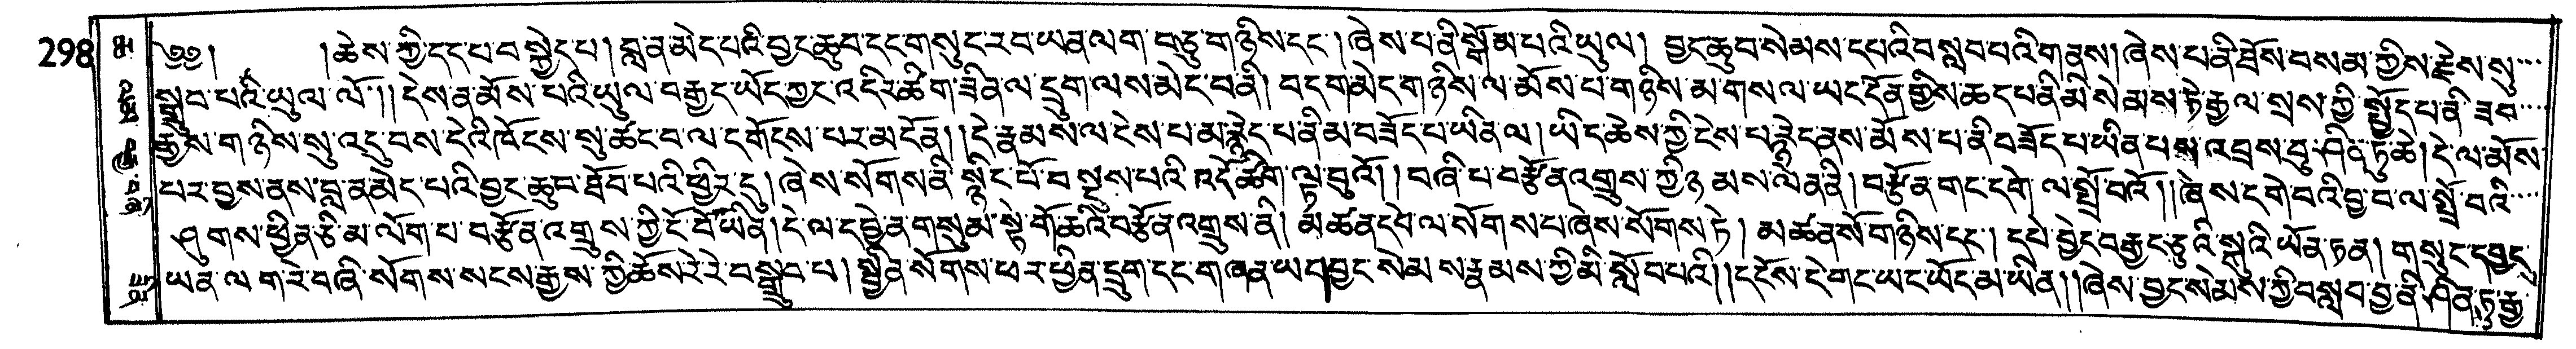༄༅། །ཆེས་ཀྱི་དད་པ་བསྐྱེད་པ། བླ་ན་མེད་པའི་བྱང་ཆུབ་དང་གསུང་རབ་ཡན་ལག་བཅུ་གཉིས་དང་། ཞེས་པ་ནི་སྒོམ་པའི་ཡུལ། བྱང་ཆུབ་སེམས་དཔའི་བསླབ་པའི་གནས། ཞེས་པ་ནི་ཐོས་བསམ་གྱིས་རྗེས་སུ་
སྒྲུབ་པའི་ཡུལ་ལོ། །དེས་ན་མོས་པའི་ཡུལ་བརྒྱད་ཡོད་ཀྱང་འདིར་ཚིག་ཟིན་ལ་དྲུག་ལས་མེད་པ་ནི། བདག་མེད་གཉིས་ལ་མོས་པ་གཉིས་མ་གསལ་ཡང་དོན་གྱིས་ཆད་པ་ནི་མི་སེམས་ཏེ་རྒྱལ་སྲས་ཀྱི་སྤྱོད་པ་ནི་ཟབ་
རྒྱས་གཉིས་སུ་འདུ་བས་དེའི་ཁོངས་སུ་ཚང་བ་ལ་དགོངས་པར་མངོན། །དེ་རྣམས་ལ་ངེས་པ་མ་རྙེད་པ་ནི་མ་བཟོད་པ་ཡིན་ལ། ཡིད་ཆེས་ཀྱི་ངེས་པ་རྙེད་ནས་མོས་པ་ནི་བཟོད་པ་ཡིན་པས་འབྲས་བུ་ཤིན་ཏུ་ཆེ། དེ་ལ་མོས་
པར་བྱས་ནས་བླ་ན་མེད་པའི་བྱང་ཆུབ་ཐོབ་པའི་ཕྱིར་དུ། ཞེས་སོགས་ནི་སྙིང་པོ་བསྡུས་པའི་འདོ་ཚིག་ལྟ་བུའོ། །བཞི་པ་བརྩོན་འགྲུས་ཀྱི་ཉམས་ལེན་ནི། བརྩོན་གང་དགེ་ལ་སྤྲོ་བའོ། །ཞེས་དགེ་བའི་བྱ་བ་ལ་སྤྲོ་བའི་
ཤུགས་ཕྱིན་ཅི་མ་ལོག་པ་བརྩོན་འགྲུས་ཀྱི་ངོ་བོ་ཡིན། དེ་ལ་དབྱེ་ན་གསུམ་སྟེ་གོ་ཆའི་བརྩོན་འགྲུས་ནི། མཚན་དཔེ་ལ་སོགས་པ་ཞེས་སོགས་ཏེ། མཚན་སོ་གཉིས་དང་། དཔེ་བྱེད་བརྒྱད་ཅུའི་སྐུའི་ཡོན་ཏན། གསུང་དབྱངས་
ཡན་ལག་རེ་བཞི་སོགས་སངས་རྒྱས་ཀྱི་ཆོས་རེ་རེ་བསྒྲུབ་པ། སྦྱིན་སོགས་ཕར་ཕྱིན་དྲུག་དང་གཞན་ཡང་། བྱང་སེམས་རྣམས་ཀྱི་མི་སློབ་པའི། །དངོས་དེ་གང་ཡང་ཡོད་མ་ཡིན། །ཞེས་བྱང་སེམས་ཀྱི་བསླབ་བྱ་ནི་ཤིན་ཏུ་རྒྱ་